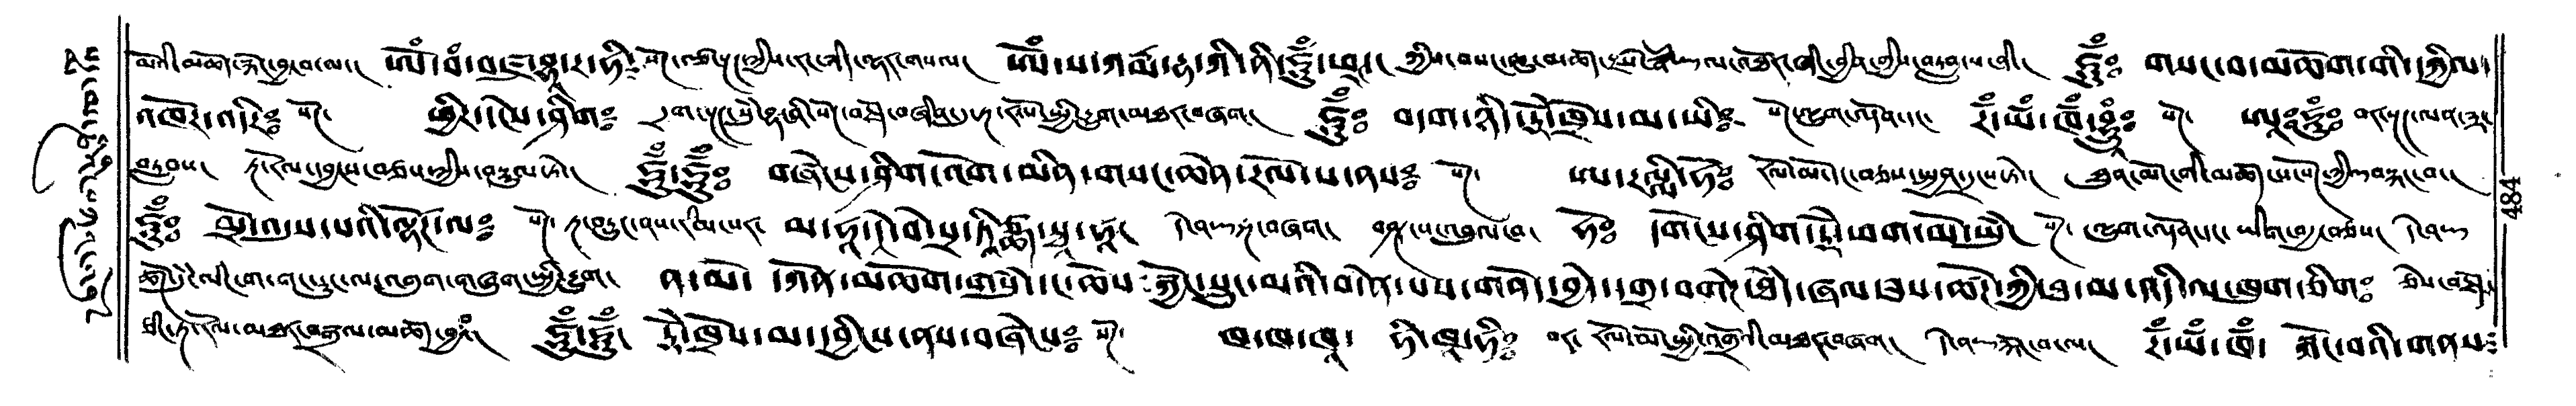མོའི་མཆོད་སྐོང་བྱ་བ་ལ། ཨོཾ་བཾ་བཛྲ་བྷཱ་ར་ཧི༴ སོགས་རྩ་སྔགས་ཀྱིས་རང་ཉིད་ལྷར་གསལ། ཨོཾ་ས་ཀརྨ་དྷ་ཀི་ནི་ཧཱུྃ་ཕཊ༔ ཀྱིས་བསང་ཆུ་མཆོད་རྫས་རྣམས་ལ་འཐོར་ཞིང་བྱིན་གྱིས་རློབ་པ་ནི། ཧཱུྃ༔ གསང་བ་མཆོག་གི་དཀྱིལ་
འཁོར་འདིར༔ སོགས། ཕྱིར་དེངས་ཤིག༔ དྲག་སྔགས་སུམ་བྷ་ནི་སོགས་རྗོད་བཞིན་དུ་རྔ་རོལ་སྤྱི་རྒྱུག་མཐར་བཞག ཧཱུྃ༔ བདག་ཉིད་རྡོ་རྗེ་ཁྲོས་མ་ཡི༔སོགས་ལྷུག་འདོན་དང་། རྃ་ཡྃ་ཁྃ་བྷྲཱུཾ༴ སོགས། ཨཱཿཧཱུྃཿ བར་སྔགས་ལན་གསུམ་
བརླབ། རྔ་རོལ་དབྱངས་བཅས་ཀྱིས་བསྐུལ་ཏེ། ཧཱུྃ་ཧཱུྃ༔ བཞེངས་ཤིག་འོག་མིན་གསང་ཆེན་རོལ་པ་ནས༔ སོགས། ཨ་རལླི་ཧོ༔ རོལ་མོ་དང་བཅས་སྤྱན་དྲངས་ཏེ། ཐུན་མོང་གི་མཆོད་པ་སོགས་ཀྱིས་བསྐང་བ། 
ཧཱུྃ༔ མཁའ་འགྲོ་འདུས་པའི་ལྷ་ཚོགས་ལ༔ སོགས་རྔ་རྡུང་ནས་རིམ་པར། མཧཱ་དཱེ་བི་པྲ་ཏཱིཙྪ་སྭ་ཧཱ༔ དེ་ནས་རྔ་གཞག བཤགས་པ་འབུལ་བ། ཧོ༔ དགོངས་ཤིག་རྡོ་རྗེ་ཕག་མོ་ཡུམ༔ སོགས་ལྷུག་འདོན་དང་། ཡིག་བརྒྱ་བཅས། དེ་ནས་
ཚོགས་དུམ་ལིངྒ་གང་རུང་ལ་དགུག་གཞུག་སྤྱི་རྒྱུག ན་མོ༔དཀོན་མཆོག་གསུམ་དང་ཆོས་སྐྱོང་སྲུང་མའི་བདེན་པས་གནོད་བྱེད་དགྲ་བགེགས་ཐམས་ཅད་ཞལ་ཟས་ཚོགས་ཀྱི་ཐ་མ་འདི་ལ་ཁུག་ཅིག༔ ཅེས་བརྗོད་
ཅིང་རྔ་རོལ་མཐར་བསྒྲལ་མཆོད་བྱའོ།། ཧཱུྃ་ཧཱུྃ༔ རྡོ་རྗེ་ཁྲོས་མ་དབྱིངས་ནས་བཞེངས༔ སོགས། ཁ་ཁ་ཁཱ་ཧི་ཁཱ་ཧི༔ བར་རོལ་མོ་སྤྱི་འགྲོའི་མཐར་གཞག དེ་ནས་སྐོང་བ་ལ། རྃ་ཡྃ་ཁྃ༔ སྐོང་བའི་གནས་